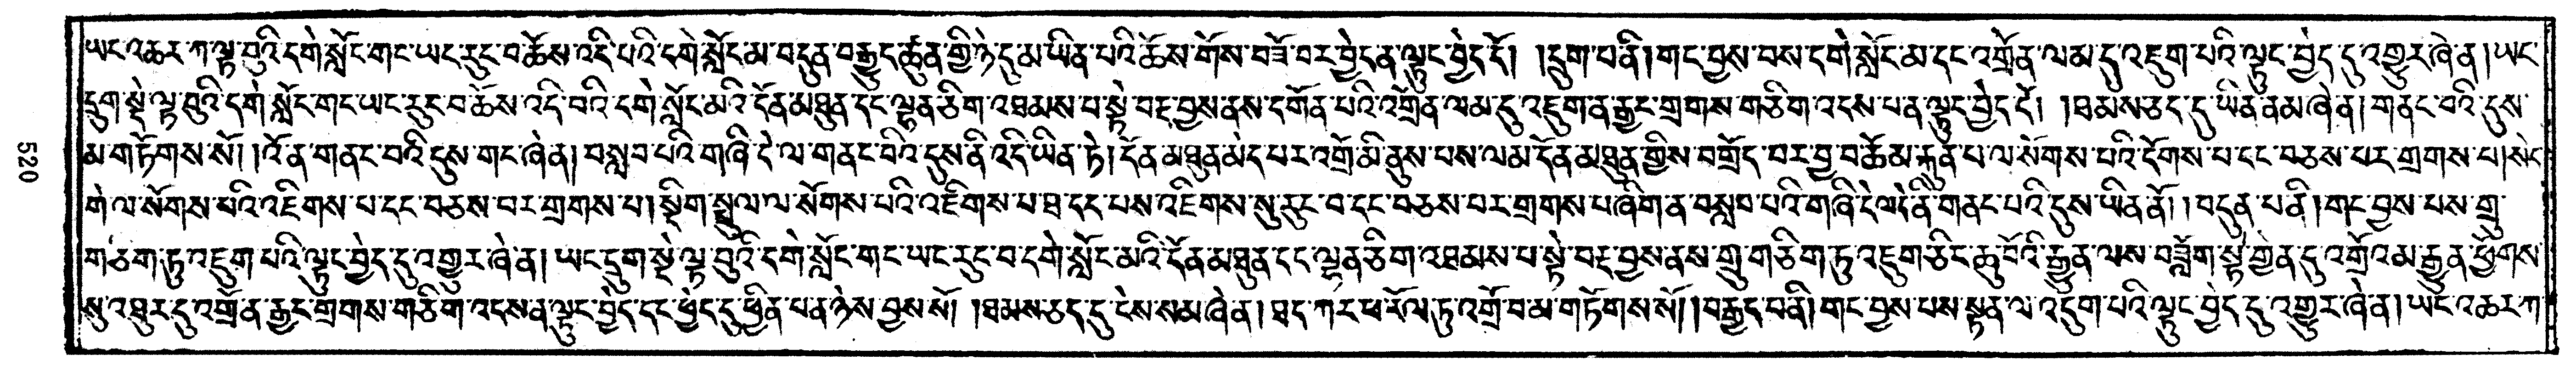ཡང་འཆར་ཀ་ལྟ་བུའི་དགེ་སློང་གང་ཡང་རུང་བ་ཆོས་འདི་པའི་དགེ་སློང་མ་བདུན་བརྒྱུད་ཚུན་གྱི་ཉེ་དུ་མ་ཡིན་པའི་ཆོས་གོས་བཟོ་བར་བྱེད་ན་ལྟུང་བྱེད་དོ། །དྲུག་པ་ནི། གང་བྱས་པས་དགེ་སློང་མ་དང་འགྲོན་ལམ་དུ་འཇུག་པའི་ལྟུང་བྱེད་དུ་འགྱུར་ཞེ་ན། ཡང་
དྲུག་སྡེ་ལྟ་བུའི་དགེ་སློང་གང་ཡང་རུང་བ་ཆོས་འདི་བའི་དགེ་སློང་མའི་དོན་མཐུན་དང་ལྷན་ཅིག་འཐམས་པ་སྟེ་བརྡ་བྱས་ནས་དགོན་པའི་འགྲོན་ལམ་དུ་འཇུག་ན་རྒྱང་གྲགས་གཅིག་འདས་པ་ན་ལྟུང་བྱེད་དོ། །ཐམས་ཅད་དུ་ཡིན་ནམ་ཞེ་ན། གནང་བའི་དུས་
མ་གཏོགས་སོ། །འོ་ན་གནང་བའི་དུས་གང་ཞེ་ན། བསླབ་པའི་གཞི་དེ་ལ་གནང་བའི་དུས་ནི་འདི་ཡིན་ཏེ། དོན་མཐུན་མེད་པར་འགྲོ་མི་ནུས་པས་ལམ་དོན་མཐུན་གྱིས་བགྲོད་པར་བྱ་བ་ཆོམ་རྐུན་པ་ལ་སོགས་པའི་དོགས་པ་དང་བཅས་པར་གྲགས་པ། སེང་
གེ་ལ་སོགས་པའི་འཇིགས་པ་དང་བཅས་པར་གྲགས་པ། སྡིག་སྦྲུལ་ལ་སོགས་པའི་འཇིགས་པ་ཐ་དད་པས་འཇིགས་སུ་རུང་བ་དང་བཅས་པར་གྲགས་པ་ཞིག་ན་བསླབ་པའི་གཞི་དེ་ལ་དེ་ནི་གནང་པའི་དུས་ཡིན་ནོ། །བདུན་པ་ནི། གང་བྱས་པས་གྲུ་
གཅིག་ཏུ་འཇུག་པའི་ལྟུང་བྱེད་དུ་འགྱུར་ཞེ་ན། ཡང་དྲུག་སྡེ་ལྟ་བུའི་དགེ་སློང་གང་ཡང་རུང་བ་དགེ་སློང་མའི་དོན་མཐུན་དང་ལྷན་ཅིག་འཐམས་པ་སྟེ་བརྡ་བྱས་ནས་གྲུ་གཅིག་ཏུ་འཇུག་ཅིང་ཆུ་བོའི་རྒྱུན་ལས་བཟློག་སྟེ་གྱེན་དུ་འགྲོའམ་རྒྱུན་ཕྱོགས་
སུ་འཐུར་དུ་འགྲོ་ན་རྒྱང་གྲགས་གཅིག་འདས་ན་ལྟུང་བྱེད་དང་ཕྱེད་དུ་ཕྱིན་པ་ན་ཉེས་བྱས་སོ། །ཐམས་ཅད་དུ་ངེས་སམ་ཞེ་ན། ཐད་ཀར་ཕ་རོལ་ཏུ་འགྲོ་བ་མ་གཏོགས་སོ། །བརྒྱད་པ་ནི། གང་བྱས་པས་སྟན་ལ་འདུག་པའི་ལྟུང་བྱེད་དུ་འགྱུར་ཞེ་ན། ཡང་འཆར་ཀ་